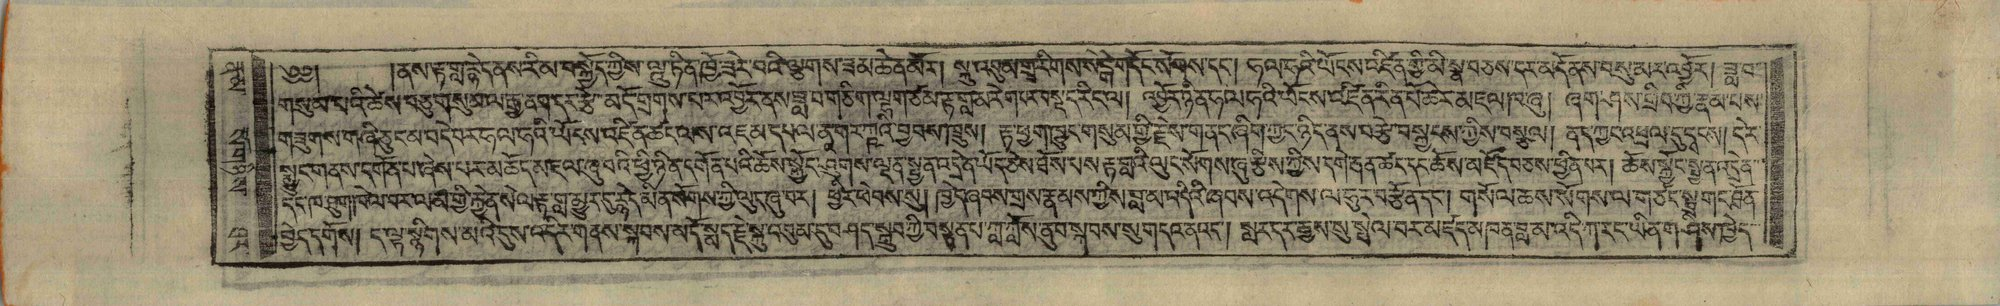༄༅། །ནས་རྟ་གླ་རྙེད་ནས་རིམ་བསྐྱོད་ཀྱིས་ལཱུ་ཏིན་ཁྱོ་ཟེར་བའི་ལྕགས་ཟམ་ཆེན་མོར། སྐུ་འབུམ་གྲྭ་རིགས་སེངྒེ་གདོང་སོགས་དང་། ཧལ་ཧའི་ཡོངས་འཛིན་གྱི་མི་སྣ་བཅས་དར་མདོ་ནས་བསུ་མར་འབྱོར། ཟླ་བ་
གསུམ་པའི་ཚེས་བཅུ་གསུམ་ལ་རྒྱ་ནག་དར་རྩེ་མདོ་གྲགས་པར་འབྱོར་ནས་ཟླ་བ་གཅིག་ལྷག་ཙམ་རྟ་གླ་མ་རེག་པར་བསྡད་རིང་ལ། འབྱོར་ཉིན་ཧལ་ཧའི་ཡོངས་འཛིན་རིན་པོ་ཆེར་མཇལ་ཁ་ཞུ། ཞག་ཤས་གྲིབ་ཀྱི་རྣམ་པས་
གཟུགས་གཞི་ཅུང་མ་བདེ་བར་ཧལ་ཧའི་ཡོངས་འཛིན་ཚང་ལས་འཇམ་དཔལ་ནཱ་ག་རཀྵའི་བྱབས་ཁྲུས། རྟ་ཕྱག་ཁྱུང་གསུམ་གྱི་རྗེས་གནང་ཞིག་ཀྱང་ཉིད་ནས་བརྩེ་བསྐྱངས་ཀྱིས་བསྩལ། ནད་ཀྱང་འཕྲལ་དུ་དྭངས། དེར་
སྨྱུང་གནས་དགོན་པ་ཞེས་པར་མཆོད་མཇལ་ཞུ་བའི་ཕྱི་ཉིན་དགོན་པའི་ཆོས་སྐྱོང་ཤུགས་ལྡན་སྤྱན་འདྲེན་ཡོད་ཅེས་ཐོས་པས་རྟ་བླའི་ལུང་སོགས་ཞུ་རྩིས་ཀྱིས་དགེ་རྒན་ཚང་དང་ཆོས་མཛོད་བཅས་ཕྱིན་པར། ཆོས་སྐྱོང་སྤྱན་འདྲེན་
དང་ཁ་ཐུག་ཁེལ་བར་ལམ་གྱི་རྐྱེན་སེལ་རྟ་གླ་མྱུར་དུ་རྙེད་མིན་སོགས་ཀྱི་ལུང་ཞུ་བར། ཕྱིར་ཕེབས་སུ། ཁྱེད་ཞབས་གྲས་རྣམས་ཀྱིས་བླ་མ་འདིའི་ཞབས་འདེགས་ལ་ཧུར་བརྩོན་དང་། གསོལ་ཆས་སོགས་ལ་གཙང་སྦྲ་གང་ཐོན་
བྱེད་དགོས། ད་ལྟ་སྙིགས་མའི་དུས་འདིར་གནས་སྐབས་མདོ་སྨད་རྗེ་སྐུ་འབུམ་དུ་བཤད་སྒྲུབ་ཀྱི་བསྟན་པ་ཀླ་ཀློས་ནུབ་སྐབས་སུ་གདའ་ནའང་། སླར་དར་རྒྱས་སུ་སྤེལ་བར་མཛད་མཁན་བླ་མ་འདི་ཀ་རང་ཡིན་གཤིས་ཁྱེད་